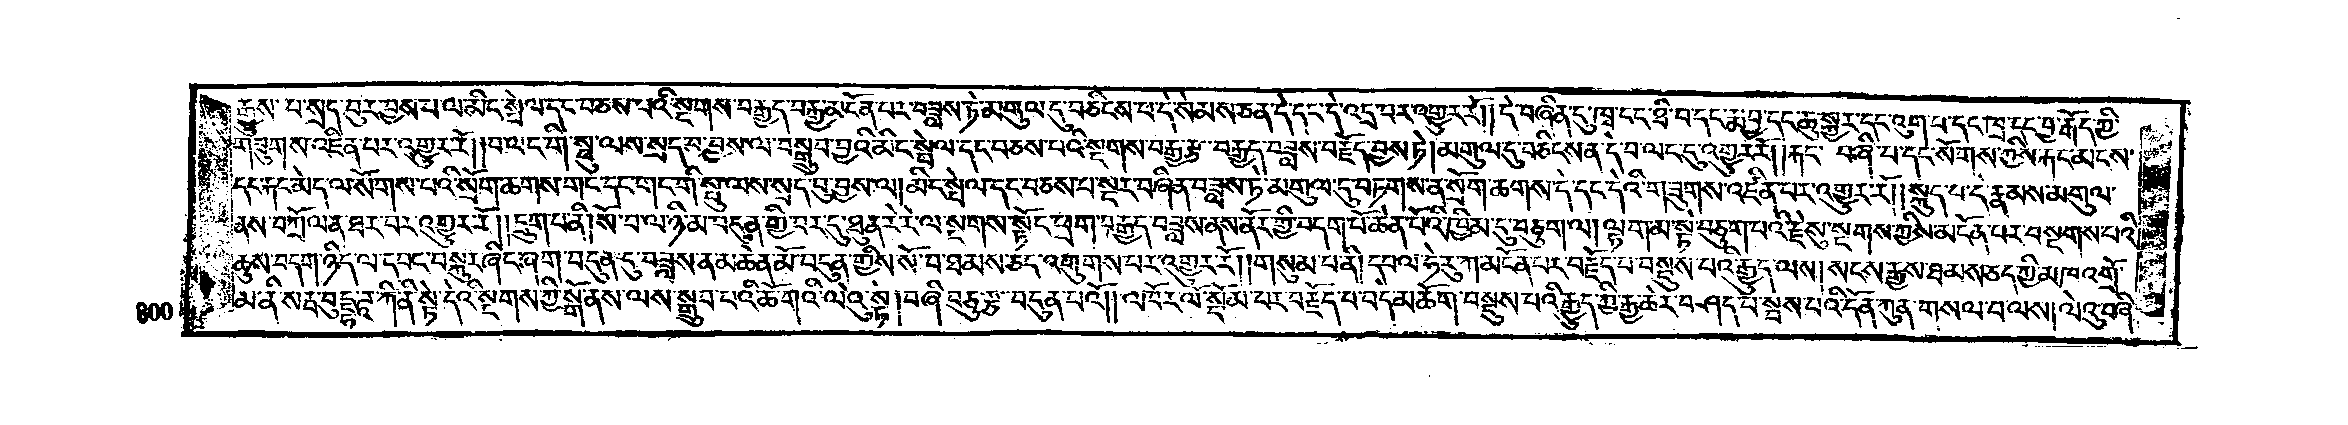རྒྱུས་པ་སྲད་བུར་བྱས་པ་ལ་མིང་སྤེལ་དང་བཅས་པའི་སྔགས་བརྒྱད་བརྒྱ་མངོན་པར་བཟླས་ཏེ་མགུལ་དུ་བཅིངས་པ་དེ་སེམས་ཅན་དེ་དང་དེ་འདྲ་བར་འགྱུར་རོ། །དེ་བཞིན་དུ་ཁྭ་དང་ཐི་བ་དང་རྨ་བྱ་དང་ཆུ་སྐྱར་དང་འུག་པ་དང་ཁྲ་དང་བྱ་རྒོད་ཀྱི་
གཟུགས་འཛིན་པར་འགྱུར་རོ། །བ་ལང་གི་སྤུ་ལས་སྲད་བ་བྱས་ལ་བསྒྲུབ་བྱའི་མིང་སྤེལ་དང་བཅས་པའི་སྔགས་བརྒྱ་རྩ་བརྒྱད་བཟླས་བརྗོད་བྱས་ཏེ། མགུལ་དུ་བཅིངས་ན་དེ་བ་ལང་དུ་འགྱུར་རོ། །རྐང་བཞི་པ་དང་སོགས་ཀྱིས་རྐང་མངས་
དང་རྐང་མེད་ལ་སོགས་པའི་སྲོག་ཆགས་གང་དང་གང་གི་སྤུ་ལས་སྲད་བུ་བྱས་ལ། མིང་སྤེལ་དང་བཅས་པ་སྔར་བཞིན་བཟླས་ཏེ་མགུལ་དུ་བཏགས་ན་སྲོག་ཆགས་དེ་དང་དེའི་གཟུགས་འཛིན་པར་འགྱུར་རོ། །སྐུད་པ་དེ་རྣམས་མགུལ་
ནས་བཀྲོལ་ན་ཐར་བར་འགྱུར་རོ། །དྲུག་པ་ནི། སོ་བ་ལ་ཉི་མ་བདུན་གྱི་བར་དུ་ཐུན་རེ་རེ་ལ་སྔགས་སྟོང་ཕྲག་བརྒྱད་བཟླས་ནས་ནོར་གྱི་བདག་པོ་ཆེན་པོའི་ཁྱིམ་དུ་བཅུག་ལ། ལྷག་མ་སྟེ་བཅུག་པའི་རྗེས་སུ་སྔགས་ཀྱིས་མངོན་པར་བསྔགས་པའི་
ཆུས་བདག་ཉིད་ལ་དབང་བསྐུར་ཞིང་ཞག་བདུན་དུ་བཟླས་ན་མཚན་མོ་བདུན་གྱིས་སོ་བ་ཐམས་ཅད་འགུགས་པར་འགྱུར་རོ། །གསུམ་པ་ནི། དཔལ་ཧེ་རུ་ཀ་མངོན་པར་བརྗོད་པ་བསྡུས་པའི་རྒྱུད་ལས། སངས་རྒྱས་ཐམས་ཅད་ཀྱི་མཁའ་འགྲོ་
མ་ནི་སརྦ་བུདྡྷ་ཌཱ་ཀི་ནི་སྟེ་དེའི་སྔགས་ཀྱི་སྒོ་ནས་ལས་སྒྲུབ་པའི་ཆོ་གའི་ལེའུ་སྟེ། བཞི་བཅུ་རྩ་བདུན་པའོ། །འཁོར་ལོ་སྡོམ་པར་བརྗོད་པ་བདེ་མཆོག་བསྡུས་པའི་རྒྱུད་ཀྱི་རྒྱ་ཆེར་བཤད་པ་སྦས་པའི་དོན་ཀུན་གསལ་བ་ལས། ལེའུ་བཞི་